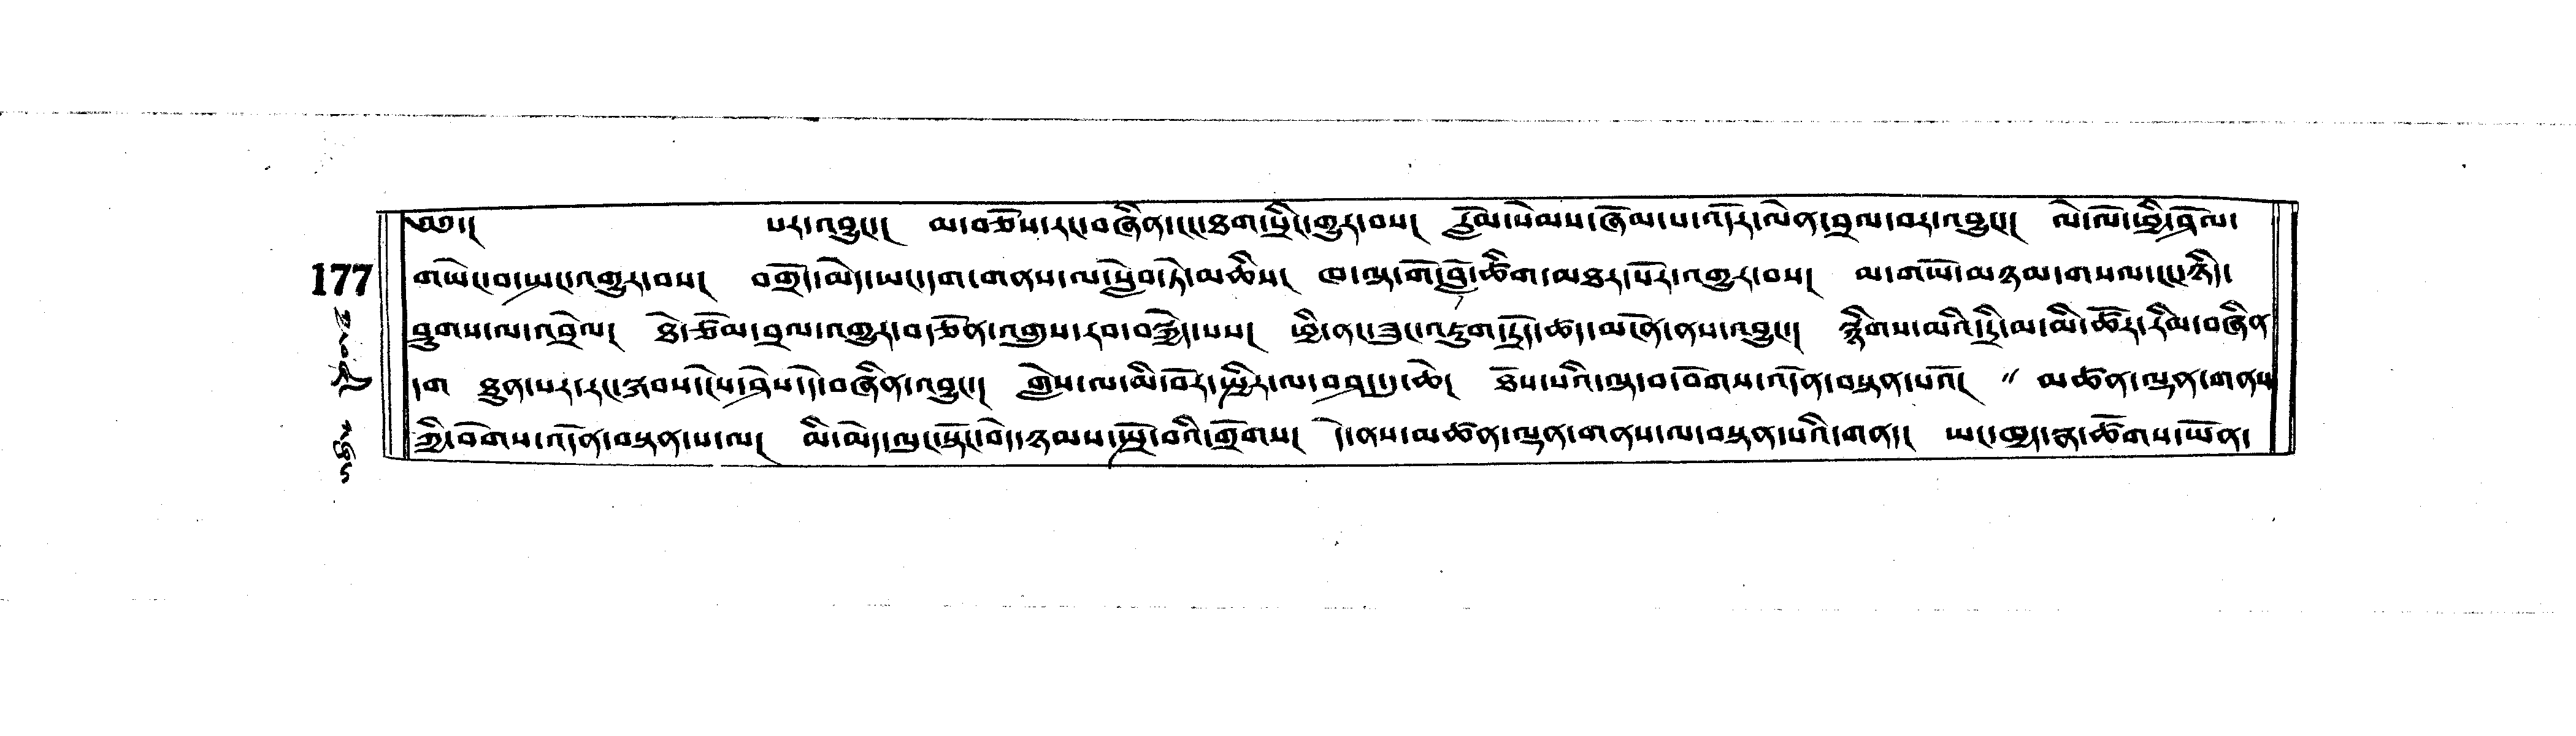པར་འབྱུང་། མ་བཅོས་རང་བཞིན་ངང་ཐག་བསྲིང་གྱུར་པས། རློམ་སེམས་ཞུམས་པ་འདོར་ལེན་བྲལ་བར་འབྱུང་། ལེ་ལོ་ཕྱི་བཤོལ་
གཡེང་བ་སྤང་གྱུར་པས། བགྲོད་མེད་ཡང་དག་གནས་ལ་སླེབས་ཏེ་མཆིས། ཁ་ལྟ་གོ་བློ་ཚིག་མཐར་བོར་གྱུར་པས། མ་གཡོ་མཉམ་གསལ་ངང་ཉིད་
ཤུགས་ལ་འབྲེལ། ཐེ་ཚོམ་བྲལ་འགྱུར་བརྩོན་འགྲུས་རབ་བསྐྱེད་པས། ཕྱི་ནང་ཟུང་འཇུག་དྲོད་ཚད་མངོན་ནས་འབྱུང་། སྙིགས་མའི་དྲི་མ་མི་ཚོར་རིམ་བཞིན་
དག ཐུན་པར་རང་སྐབས་ངེས་ཤེས་དེ་བཞིན་འབྱུང་། གླེས་ལ་མི་བོར་སྤྱིར་ལ་བཤད་དུ་ཆེ། ཐོས་པའི་ལྟ་བ་བོགས་འདོན་བསྟན་པའོ། ༧ མཚན་ལྡན་གནས་
ཀྱི་བོགས་འདོན་བསྟན་པ་ལ། མི་མེད་ལུང་སྟོང་བདེ་ཉམས་སྤྲོ་བའི་གྲོགས། དེ་ནས་མཚན་ལྡན་གནས་ལ་བསྟན་པའི་གནད། ཡོན་ཁྱད་སྣ་ཚོགས་ཡོན་